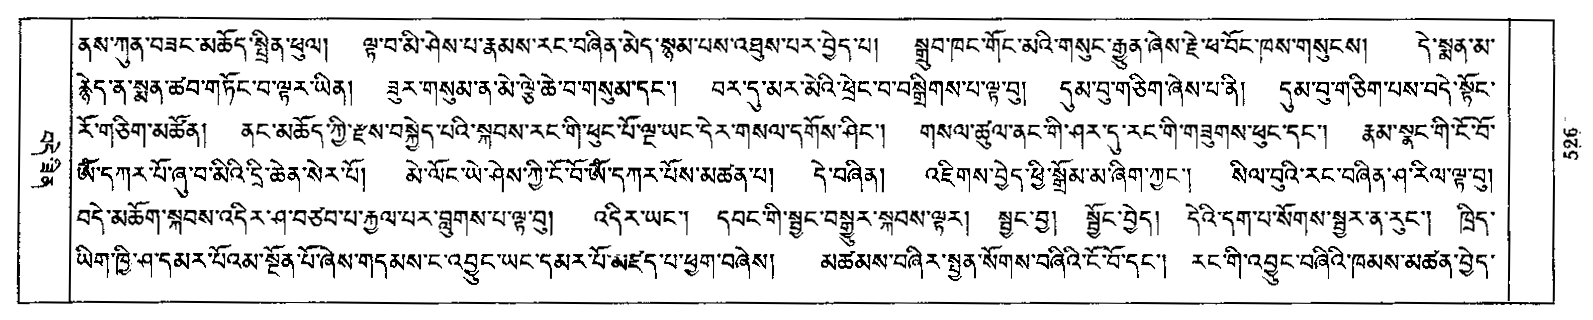ནས་ཀུན་བཟང་མཆོད་སྤྲིན་ཕུལ། ལྟ་བ་མི་ཤེས་པ་རྣམས་རང་བཞིན་མེད་སྙམ་པས་འཐུས་པར་བྱེད་པ། སྒྲུབ་ཁང་གོང་མའི་གསུང་རྒྱུན་ཞེས་རྗེ་ཕ་བོང་ཁས་གསུངས། དེ་སྨན་མ་
རྙེད་ན་སྨན་ཚབ་གཏོང་བ་ལྟར་ཡིན། ཟུར་གསུམ་ན་མེ་ལྕེ་ཆེ་བ་གསུམ་དང་། བར་དུ་མར་མེའི་ཕྲེང་བ་བསྒྲིགས་པ་ལྟ་བུ། དུམ་བུ་གཅིག་ཞེས་པ་ནི། དུམ་བུ་གཅིག་པས་བདེ་སྟོང་
རོ་གཅིག་མཚོན། ནང་མཆོད་ཀྱི་རྫས་བསྐྱེད་པའི་སྐབས་རང་གི་ཕུང་པོ་ལྔ་ཡང་དེར་གསལ་དགོས་ཤིང་། གསལ་ཚུལ་ནང་གི་ཤར་དུ་རང་གི་གཟུགས་ཕུང་དང་། རྣམ་སྣང་གི་ངོ་བོ་
ཨོཾ་དཀར་པོ་ཞུ་བ་མིའི་དྲི་ཆེན་སེར་པོ། མེ་ལོང་ཡེ་ཤེས་ཀྱི་ངོ་བོ་ཨོཾ་དཀར་པོས་མཚན་པ། དེ་བཞིན། འཇིགས་བྱེད་ཕྱི་སྒྲོམ་པ་ཞིག་ཀྱང་། སིལ་བུའི་རང་བཞིན་ཤ་རིལ་ལྟ་བུ།
བདེ་མཆོག་སྐབས་འདིར་ཤ་བཙབ་པ་རྐྱལ་པར་བླུགས་པ་ལྟ་བུ། འདིར་ཡང་། དབང་གི་སྦྱང་བསྒྱུར་སྐབས་ལྟར། སྦྱང་བྱ། སྦྱོང་བྱེད། དེའི་དག་པ་སོགས་སྦྱར་ན་རུང་། ཁྲིད་
ཡིག་ཁྱི་ཤ་དམར་པོའམ་སྔོན་པོ་ཞེས་གདམས་ང་འབྱུང་ཡང་དམར་བྤོ་མཛད་པ་ཕྱག་བཞེས། མཚམས་བཞིར་སྤྱན་སོགས་བཞིའི་ངོ་བོ་དང་། རང་གི་འབྱུང་བཞིའི་ཁམས་མཚན་བྱེད་